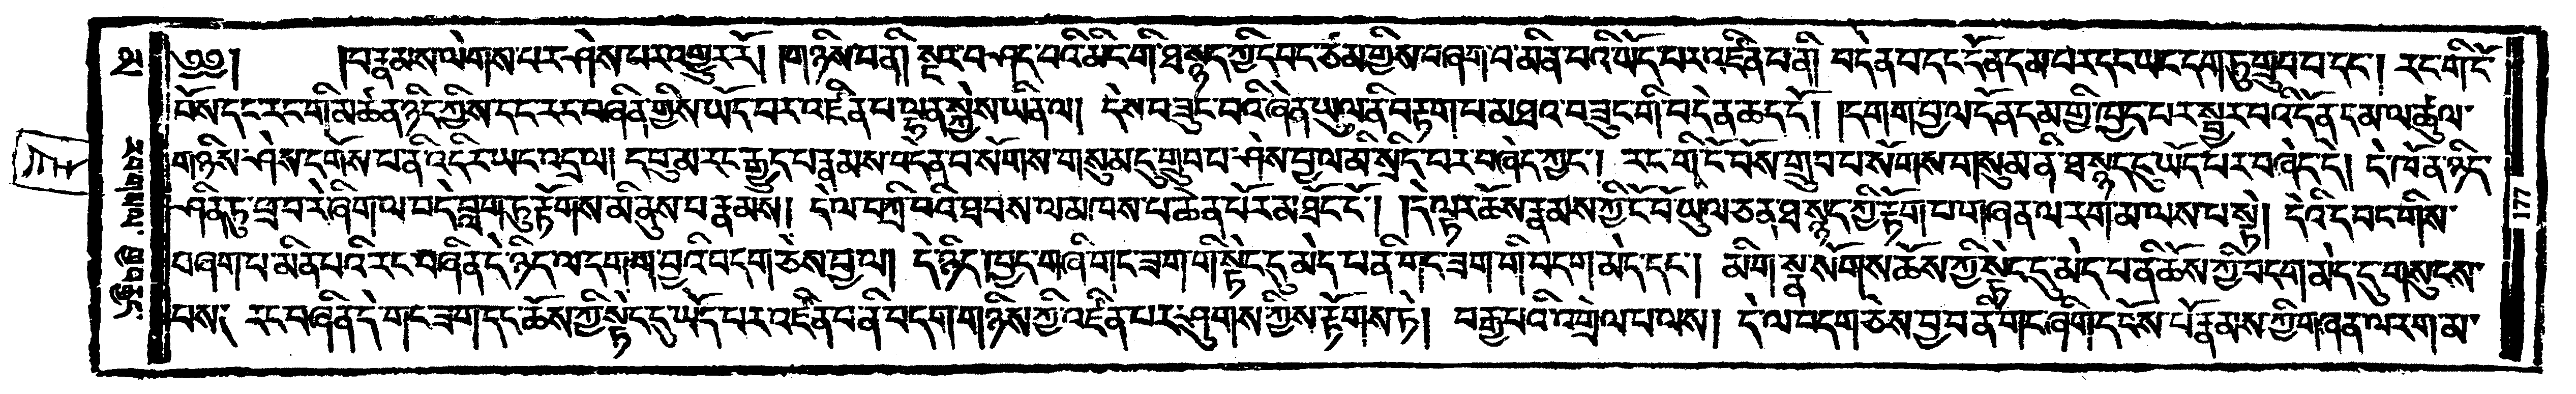༄༅། །པ་རྣམས་ལེགས་པར་ཤེས་པར་འགྱུར་རོ། །གཉིས་པ་ནི། སྔར་བཤད་པའི་མིང་གི་ཐ་སྙད་ཀྱི་དབང་ཙམ་གྱིས་བཞག་པ་མིན་པའི་ཡོད་པར་འཛིན་པ་ནི། བདེན་པ་དང་དོན་དམ་པར་དང་ཡང་དག་ཏུ་གྲུབ་པ་དང་། རང་གི་ངོ་
བོས་དང་རང་གི་མཚན་ཉིད་ཀྱིས་དང་རང་བཞིན་གྱིས་ཡོད་པར་འཛིན་པ་ལྷན་སྐྱེས་ཡིན་ལ། དེས་བཟུང་བའི་ཞེན་ཡུལ་ནི་བརྟག་པ་མཐའ་བཟུང་གི་བདེན་ཚད་དོ། །དགག་བྱ་ལ་དོན་དམ་གྱི་ཁྱད་པར་སྦྱར་བའི་དོན་དམ་ལ་ཚུལ་
གཉིས་ཤེས་དགོས་པ་ནི་འདིར་ཡང་འདྲ་ལ། དབུ་མ་རང་རྒྱུད་པ་རྣམས་བདེན་པ་སོགས་གསུམ་དུ་གྲུབ་པ་ཤེས་བྱ་ལ་མི་སྲིད་པར་བཞེད་ཀྱང་། རང་གི་ངོ་བོས་གྲུབ་པ་སོགས་གསུམ་ནི་ཐ་སྙད་དུ་ཡོད་པར་བཞེད་དེ། དེ་ཁོ་ན་ཉིད་
ཤིན་ཏུ་ཕྲ་བ་རེ་ཞིག་ལ་བདེ་བླག་ཏུ་རྟོགས་མི་ནུས་པ་རྣམས། དེ་ལ་བཀྲི་བའི་ཐབས་ལ་མཁས་པ་ཆེན་པོར་མཐོང་ངོ། །དེ་ལྟར་ཆོས་རྣམས་ཀྱི་ངོ་བོ་ཡུལ་ཅན་ཐ་སྙད་ཀྱི་རྟོག་པ་གཞན་ལ་རག་མ་ལས་པ་སྟེ། དེའི་དབང་གིས་
བཞག་པ་མིན་པའི་རང་བཞིན་དེ་ཉིད་ལ་དགག་བྱའི་བདག་ཅེས་བྱ་ལ། དེ་ཉིད་ཁྱད་གཞི་གང་ཟག་གི་སྟེང་དུ་མེད་པ་ནི་གང་ཟག་གི་བདག་མེད་དང་། མིག་སྣ་སོགས་ཆོས་ཀྱི་སྟེང་དུ་མེད་པ་ནི་ཆོས་ཀྱི་བདག་མེད་དུ་གསུངས་
པས༑ རང་བཞིན་དེ་གང་ཟག་དང་ཆོས་ཀྱི་སྟེང་དུ་ཡོད་པར་འཛིན་པ་ནི་བདག་གཉིས་ཀྱི་འཛིན་པར་ཤུགས་ཀྱིས་རྟོགས་ཏེ། བརྒྱ་པའི་འགྲེལ་པ་ལས། དེ་ལ་བདག་ཅེས་བྱ་བ་ནི་གང་ཞིག་དངོས་པོ་རྣམས་ཀྱི་གཞན་ལ་རག་མ་